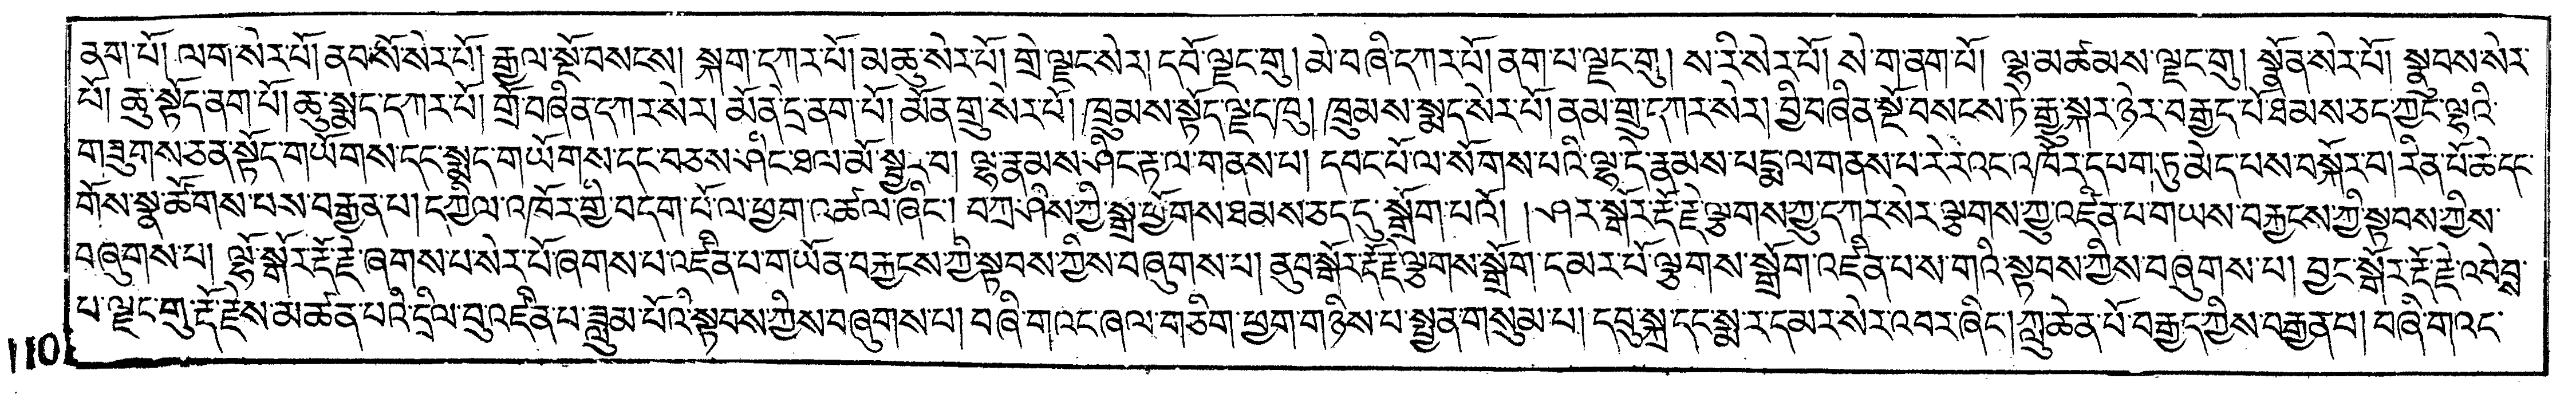ནག་པོ། ལག་སེར་པོ། ནབ་སོ་སེར་པོ། རྒྱལ་སྔོ་བསངས། སྐག་དཀར་པོ། མཆུ་སེར་པོ། གྲེ་ལྗང་སེར། དབོ་ལྗང་གུ། མེ་བཞི་དཀར་པོ། ནག་པ་ལྗང་གུ། ས་རི་སེར་པོ། སེ་ག་ནག་པོ། ལྷ་མཚམས་ལྗང་གུ། སྣོན་སེར་པོ། སྣུབས་སེར་
པོ། ཆུ་སྟོད་ནག་པོ། ཆུ་སྨད་དཀར་པོ། གྲོ་བཞིན་དཀར་སེར། མོན་དྲེ་ནག་པོ། མོན་གྲུ་སེར་པོ། ཁྲུམས་སྟོད་ལྗང་ཁུ། ཁྲུམས་སྨད་སེར་པོ། ནམ་གྲུ་དཀར་སེར། བྱི་བཞིན་སྔོ་བསངས་ཏེ་རྒྱུ་སྐར་ཉེར་བརྒྱད་པོ་ཐམས་ཅད་ཀྱང་ལྷའི་
གཟུགས་ཅན་སྟོད་གཡོགས་དང་སྨད་གཡོགས་དང་བཅས་ཤིང་ཐལ་མོ་སྦྱར་བ། ལྷ་རྣམས་ཤིང་རྟ་ལ་གནས་པ། དབང་པོ་ལ་སོགས་པའི་ལྷ་དེ་རྣམས་པདམ་ལ་གནས་པ་རེ་རེའང་འཁོར་དཔག་ཏུ་མེད་པས་བསྐོར་བ། རིན་པོ་ཆེ་དང་
གོས་སྣ་ཚོགས་པས་བརྒྱན་པ། དཀྱིལ་འཁོར་གྱི་བདག་པོ་ལ་ཕྱག་འཚལ་ཞིང་། བཀྲ་ཤིས་ཀྱི་སྒྲ་ཕྱོགས་ཐམས་ཅད་དུ་སྒྲོག་པའོ། །ཤར་སྒོར་རྡོ་རྗེ་ལྕགས་ཀྱུ་དཀར་སེར་ལྕགས་ཀྱུ་འཛིན་པ་གཡས་བརྐྱངས་ཀྱི་སྟབས་ཀྱིས་
བཞུགས་པ། ལྷོ་སྒོར་རྡོ་རྗེ་ཞགས་པ་སེར་པོ་ཞགས་པ་འཛིན་པ་གཡོན་བརྐྱངས་ཀྱི་སྟབས་ཀྱིས་བཞུགས་པ། ནུབ་སྒོར་རྡོ་རྗེ་ལྕགས་སྒྲོག་དམར་པོ་ལྕགས་སྒྲོག་འཛིན་པ་ས་གའི་སྟབས་ཀྱིས་བཞུགས་པ། བྱང་སྒོར་རྡོ་རྗེ་འབེབས་
པ་ལྗང་གུ་རྡོ་རྗེས་མཚན་པའི་དྲིལ་བུ་འཛིན་པ་ཟླུམ་པོའི་སྟབས་ཀྱིས་བཞུགས་པ། བཞི་གའང་ཞལ་གཅིག་ཕྱག་གཉིས་པ་སྤྱན་གསུམ་པ། དབུ་སྐྲ་དང་སྨ་ར་དམར་སེར་འབར་ཞིང་། ཀླུ་ཆེན་པོ་བརྒྱད་ཀྱིས་བརྒྱན་པ། བཞི་གའང་